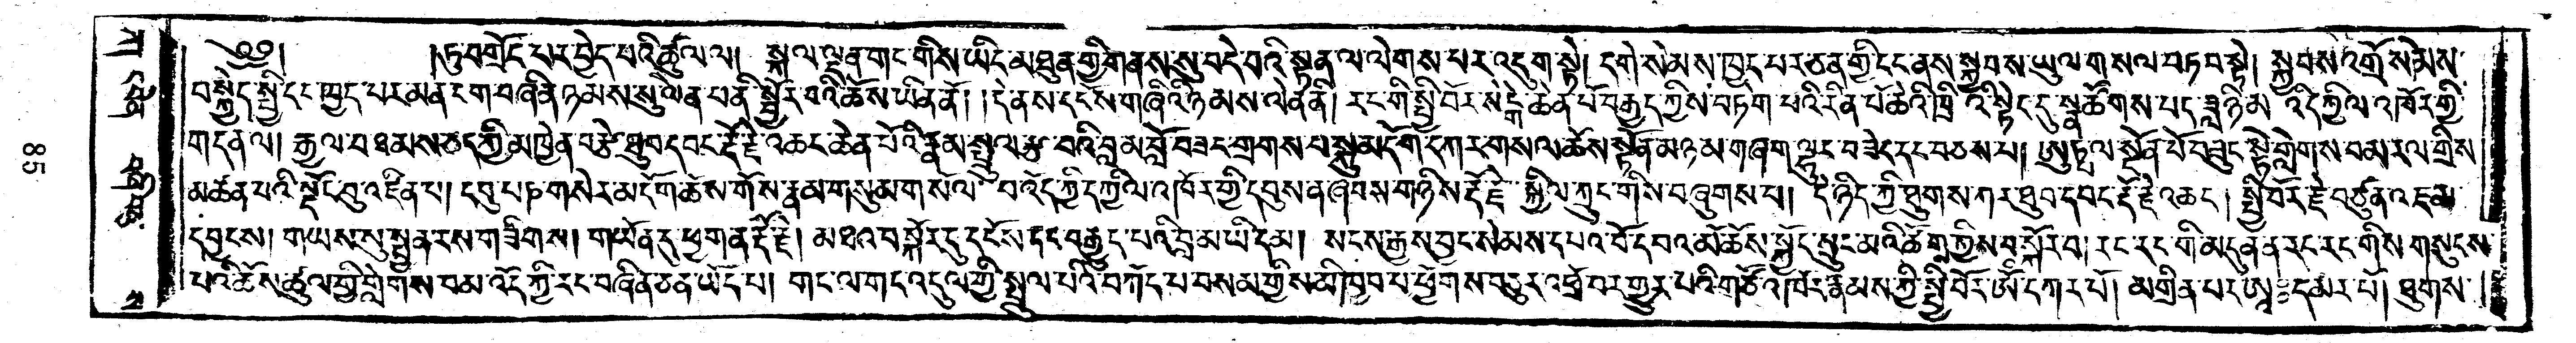༄༅། །ཏུ་བགྲོད་པར་བྱེད་པའི་ཚུལ་ལ། སྐལ་ལྡན་གང་གིས་ཡིད་མཐུན་གྱི་གནས་སུ་བདེ་བའི་སྟན་ལ་ལེགས་པར་འདུག་སྟེ། དགེ་སེམས་ཁྱད་པར་ཅན་གྱི་དང་ནས་སྐྱབས་ཡུལ་གསལ་བཏབ་སྟེ། སྐྱབས་འགྲོ་སེམས་
བསྐྱེད་སྤྱི་དང་ཁྱད་པར་མན་ངག་བཞིན་ཉམས་སུ་ལེན་པ་ནི་སྦྱོར་བའི་ཆོས་ཡིན་ནོ། །དེ་ནས་དངོས་གཞིའི་ཉམས་ལེན་ནི། རང་གི་སྤྱི་བོར་སེངེ་ཆེན་པོ་བརྒྱད་ཀྱིས་བཏེག་པའི་རིན་པོ་ཆེའི་ཁྲིའི་སྟེང་དུ་སྣ་ཚོགས་པད་ཟླ་ཉི་མའི་དཀྱིལ་འཁོར་གྱི་
གདན་ལ། རྒྱལ་པ་ཐམས་ཅད་ཀྱི་མཁྱེན་བརྩེ་ཐུབ་དབང་རྡོ་རྗེ་འཆང་ཆེན་པོའི་རྣམ་སྤྲུལ་རྩ་བའི་བླ་མ་བློ་བཟང་གྲགས་བ་སྐུ་མདོག་དཀར་གསལ་ཆོས་སྟོན་མཉམ་གཞག་ལྷུང་བཟེད་དང་བཅས་པ། ཨུཏྤ་ལ་སྔོན་པོ་བཟུང་སྟེ་གླེགས་བམ་རལ་གྲིས་
མཚན་པའི་སྡོང་བུ་འཛིན་པ། དབུ་པཎ་གསེར་མདོག་ཆོས་གོས་རྣམ་གསུམ་གསོལ་བ་འོད་ཀྱི་དཀྱིལ་འཁོར་གྱི་དབུས་ན་ཞབས་གཉིས་རྡོ་རྗེ་སྐྱིལ་ཀྲུང་གིས་བཞུགས་པ། དེ་ཉིད་ཀྱི་ཐུགས་ཀར་ཐུབ་དབང་རྡོ་རྗེ་འཆང་། སྤྱི་བོར་རྗེ་བཙུན་འཇམ་
དབྱངས། གཡས་སུ་སྤྱན་རས་གཟིགས། གཡོན་དུ་ཕྱག་ན་རྡོ་རྗེ། མཐའ་བསྐོར་དུ་དངོས་དང་བརྒྱུད་པའི་བླ་མ་ཡི་དམ། སངས་རྒྱས་བྱང་སེམས་དཔའ་བོ་དཔའ་མོ་ཆོས་སྐྱོང་སྲུང་མའི་ཚོགས་ཀྱིས་བ་སྐོར་བ། རང་རང་གི་མདུན་ན་རང་གིས་གསུངས་
པའི་ཆོས་ཚུལ་གྱི་གླེགས་བམ་འོད་ཀྱི་རང་བཞིན་ཅན་ཡོད་པ། གང་ལ་གང་འདུལ་གྱི་སྤྲུལ་པའི་བཀོད་པ་བསམ་གྱིས་མི་ཁྱབ་པ་ཕྱོགས་བཅུར་འཕྲོ་བར་གྱུར་པའི་གཙོ་འཁོར་རྣམས་ཀྱི་སྤྱི་བོར་ཨོཾ་དཀར་པོ། མགྲིན་པར་ཨཱཿ དམར་པོ། ཐུགས་